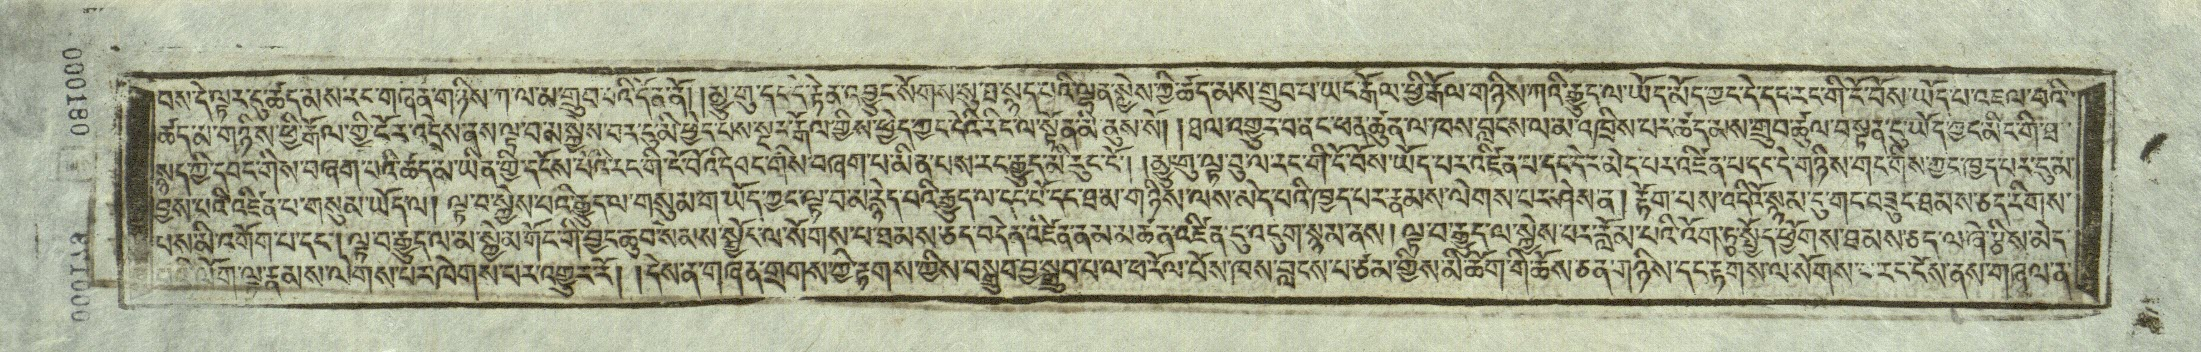བས་དེ་ལྟར་དུ་ཚད་མས་རང་གཞན་གཉིས་ཀ་ལ་མ་གྲུབ་པའི་དོན་ནོ། །མྱུ་གུ་དང་དེ་རྟེན་འབྱུང་སོགས་སུ་ཐ་སྙད་པའི་ལྷན་སྐྱེས་ཀྱི་ཚད་མས་གྲུབ་པ་ཡང་རྒོལ་ཕྱི་རྒོལ་གཉིས་ཀའི་རྒྱུད་ལ་ཡོད་མོད་ཀྱང་དེ་དང་རང་གི་ངོ་བོས་ཡོད་པ་འཇལ་བའི་
ཚད་མ་གཉིས་ཕྱི་རྒོལ་གྱི་ངོར་འདྲེས་ནས་ལྟ་བ་མ་སྐྱེས་བར་དུ་མི་ཕྱེད་པས་སྔར་རྒོལ་གྱིས་ཕྱེད་ཀྱང་དེའི་རིང་ལ་སྟོན་མི་ནུས་སོ། །ཐལ་འགྱུར་བ་ནང་ཕན་ཚུན་ལ་ཁས་བླངས་ལ་མ་འཁྲིས་པར་ཚད་མས་གྲུབ་ཚུལ་བསྟན་དུ་ཡོད་ཀྱང་མིང་གི་ཐ་
སྙད་ཀྱི་དབང་གིས་བཞག་པའི་ཚད་མ་ཡིན་གྱི་དངོས་པོའི་རང་གི་ངོ་བོའི་དབང་གིས་བཞག་པ་མིན་པས་རང་རྒྱུད་མི་རུང་ངོ། །མྱུ་གུ་ལྟ་བུ་ལ་རང་གི་ངོ་བོས་ཡོད་པར་འཛིན་པ་དང་དེར་མེད་པར་འཛིན་པ་དང་དེ་གཉིས་གང་གིས་ཀྱང་ཁྱད་པར་དུ་མ་
བྱས་པའི་འཛིན་པ་གསུམ་ཡོད་ལ། ལྟ་བ་སྐྱེས་པའི་རྒྱུད་ལ་གསུམ་ག་ཡོད་ཀྱང་ལྟ་བ་མ་རྙེད་པའི་རྒྱུད་ལ་དང་པོ་དང་ཐ་མ་གཉིས་ལས་མེད་པའི་ཁྱད་པར་རྣམས་ལེགས་པར་ཤེས་ན། རྟོག་པས་འདིའོ་སྙམ་དུ་གང་བཟུང་ཐམས་ཅད་རིགས་
པས་མི་འགོག་པ་དང་། ལྟ་བ་རྒྱུད་ལ་མ་སྐྱེས་གོང་གི་བྱང་ཆུབ་སེམས་སྦྱོང་ལ་སོགས་པ་ཐམས་ཅད་བདེན་འཛིན་ནམ་མཚན་འཛིན་དུ་འདུག་སྙམ་ནས། ལྟ་བ་རྒྱུད་ལ་སྐྱེས་པར་རློམ་པའི་འོག་ཏུ་སྤྱོད་ཕྱོགས་ཐམས་ཅད་ལ་ཞེ་རྩིས་མེད་
པའི་ལོག་ལྟ་རྣམས་ལེགས་པར་ཁེགས་པར་འགྱུར་རོ། །དེས་ན་གཞན་འགྲགས་ཀྱི་རྟགས་ཀྱིས་བསྒྲུབ་བྱ་སྒྲུབ་པ་ལ་ཕ་རོལ་པོས་ཁས་བླངས་པ་ཙམ་གྱིས་མི་ཆོག་གི་ཆོག་གི་ཆོས་ཅན་གཉིས་དང་རྟགས་ལ་སོགས་པ་རང་ངོས་ནས་གཞལ་ན་